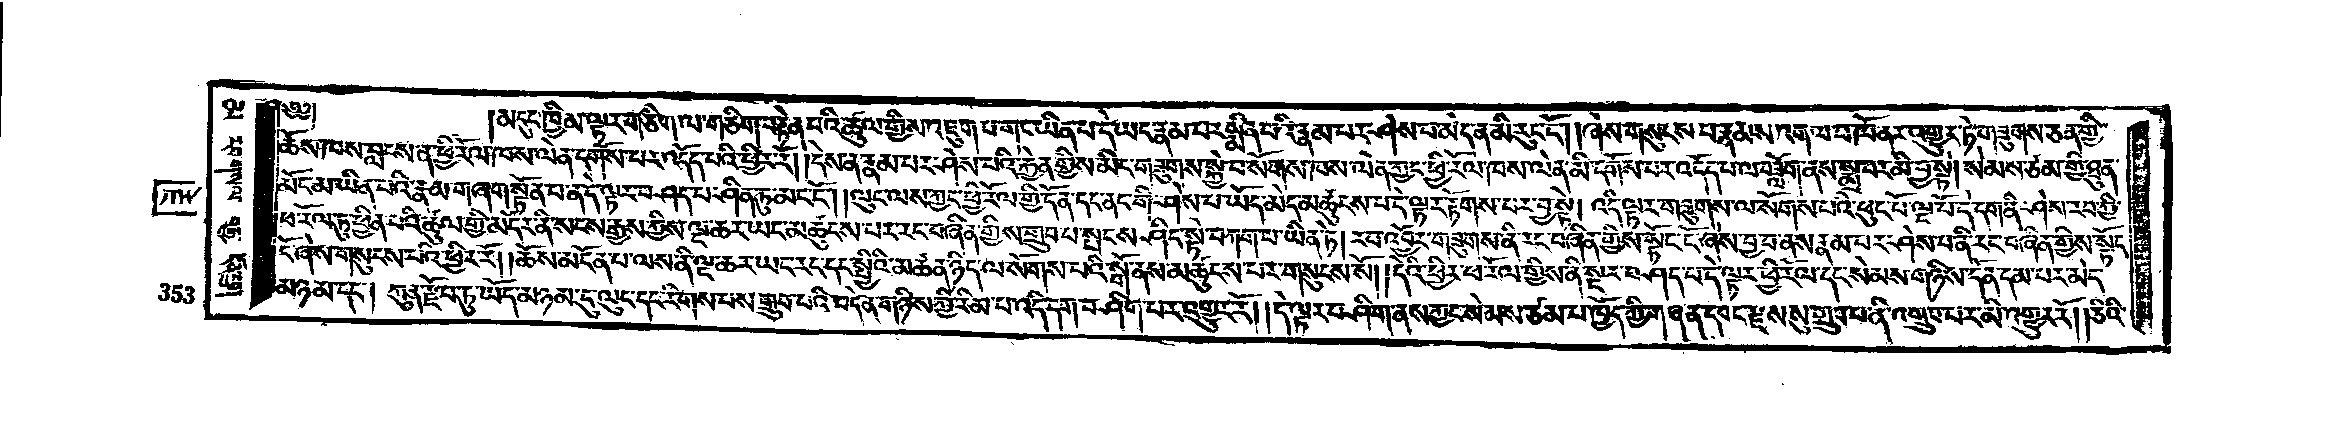༄༅། །མདུང་ཁྱིམ་ལྟར་གཅིག་ལ་གཅིག་བརྟེན་པའི་ཚུལ་གྱིས་འཇུག་པ་གང་ཡིན་པ་དེ་ཡང་རྣམ་པར་སྨིན་པའི་རྣམ་པར་ཤེས་པ་མེད་ན་མི་རུང་ངོ། །ཞེས་གསུངས་པ་རྣམས་འགལ་བ་ཁོ་ནར་འགྱུར་ཏེ་གཟུགས་ཅན་གྱི་
ཆོས་ཁས་བླངས་ན་ཕྱི་རོལ་ཁས་ལེན་དགོས་པར་འདོད་པའི་ཕྱིར་རོ། །དེས་ན་རྣམ་པར་ཤེས་པའི་རྐྱེན་གྱིས་མིང་གཟུགས་སྐྱེ་བ་སོགས་ཁས་ལེན་ཀྱང་ཕྱི་རོལ་ཁས་ལེན་མི་དགོས་པར་འདོད་པ་ལ་བཟློག་ནས་སྨྲ་བར་མི་བྱ་སྟེ། སེམས་ཙམ་གྱི་ཐུན་
མོང་མ་ཡིན་པའི་རྣམ་གཞག་སྟོན་པ་ན་དེ་ལྟར་བཤད་པ་ཤིན་ཏུ་མང་ངོ། །ལུང་ལས་ཀྱང་ཕྱི་རོལ་གྱི་དོན་དང་ནང་གི་ཤེས་པ་ཡོད་མེད་མཚུངས་པ་དེ་ལྟར་རྟོགས་པར་བྱ་སྟེ། འདི་ལྟར་གཟུགས་ལ་སོགས་པའི་ཕུང་པོ་ལྔ་པོ་དེ་དག་ནི་ཤེས་རབ་ཀྱི་
ཕ་རོལ་ཏུ་ཕྱིན་པའི་ཚུལ་གྱི་མདོར་ནི་སངས་རྒྱས་ཀྱིས་ལྔ་ཆར་ཡང་མཚུངས་པར་རང་བཞིན་གྱིས་གྲུབ་པ་སྤངས་ཤིང་སྟེ་བཀག་པ་ཡིན་ཏེ། རབ་འབྱོར་གཟུགས་ནི་རང་བཞིན་གྱིས་སྟོང་ངོ་ཞེས་བྱ་བ་ནས་རྣམ་པར་ཤེས་པ་ནི་རང་བཞིན་གྱིས་སྟོང་
ངོ་ཞེས་གསུངས་པའི་ཕྱིར་རོ། །ཆོས་མངོན་པ་ལས་ནི་ལྔ་ཆར་ཡང་རང་དང་སྤྱིའི་མཚན་ཉིད་ལ་སོགས་པའི་སྒོ་ནས་མཚུངས་པར་གསུངས་སོ། །དེའི་ཕྱིར་ཕ་རོལ་གྱིས་ནི་སྔར་བཤད་པ་དེ་ལྟར་ཕྱི་རོལ་དང་སེམས་གཉིས་དོན་དམ་པར་མེད་
མཉམ་དང་། ཀུན་རྫོབ་ཏུ་ཡོད་མཉམ་དུ་ལུང་དང་རིགས་པས་གྲུབ་པའི་བདེན་གཉིས་ཀྱི་རིམ་པ་འདི་དག་བཤིག་པར་འགྱུར་རོ། །དེ་ལྟར་བཤིག་ནས་ཀྱང་སེམས་ཙམ་པ་ཁྱོད་ཀྱི་གཞན་དབང་རྫས་སུ་གྲུབ་པ་ནི་འགྲུབ་པར་མི་འགྱུར་རོ། །ཅིའི་